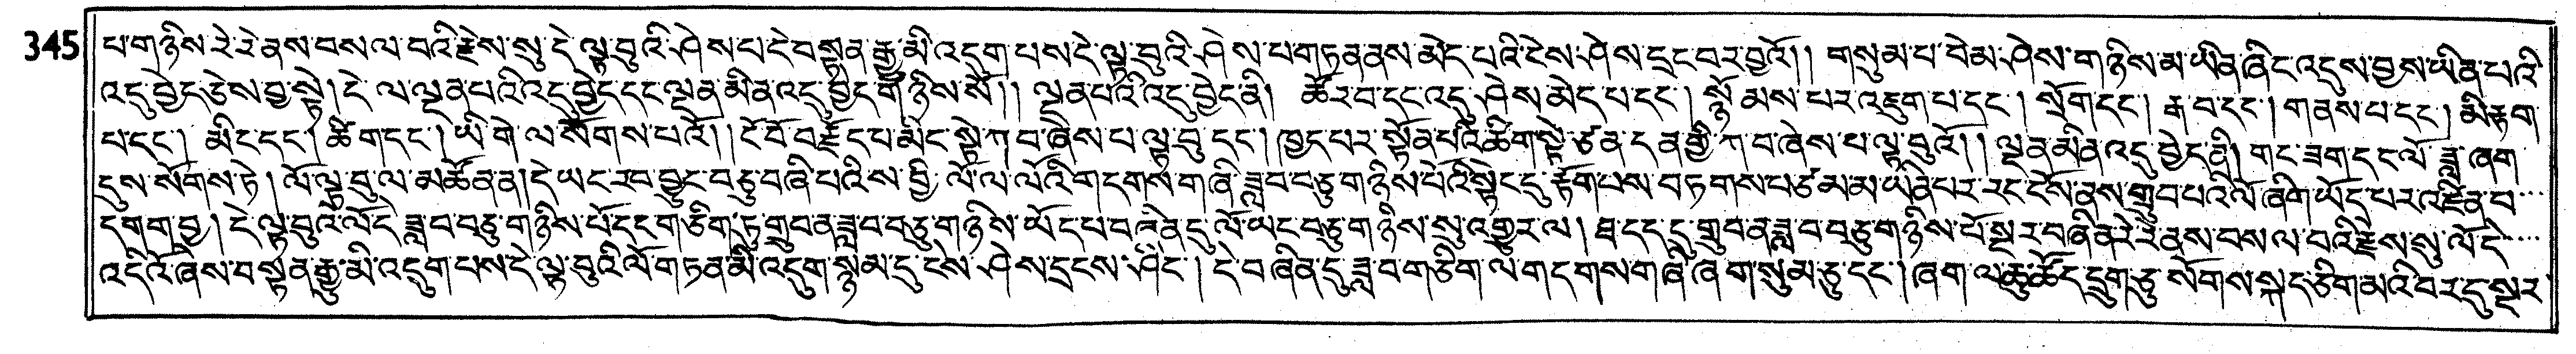པ་གཉིས་རེ་རེ་ནས་བསལ་བའི་རྗེས་སུ་དེ་ལྟ་བུའི་ཤེས་པ་དེ་བསྟན་རྒྱུ་མི་འདུག་པས་དེ་ལྟ་བུའི་ཤེས་པ་གཏན་ནས་མེད་པའི་ངེས་ཤེས་དྲང་བར་བྱའོ། །གསུམ་པ་བེམ་ཤེས་གཉིས་མ་ཡིན་ཞིང་འདུས་བྱས་ཡིན་པའི་
འདུ་བྱེད་ཅེས་བྱ་སྟེ། དེ་ལ་ལྡན་པའི་འདུ་བྱེད་དང་ལྡན་མིན་འདུ་བྱེད་གཉིས་སོ། །ལྡན་པའི་འདུ་བྱེད་ནི། ཚོར་བ་དང་འདུ་ཤེས་མེད་པ་དང་། སྙོམས་པར་འཇུག་པ་དང་། སྲོག་དང་། རྒ་བ་དང་། གནས་པ་དང་། མི་རྟག་
པ་དང་། མིང་དང་། ཚིག་དང་། ཡི་གེ་ལ་སོགས་པའོ། །ངོ་བོ་བརྗོད་པ་མིང་སྟེ་ཀ་བ་ཞེས་པ་ལྟ་བུ་དང་། ཁྱད་པར་སྟོན་པའི་ཚིག་སྟེ་ཙན་དན་གྱི་ཀ་བ་ཞེས་པ་ལྟ་བུའོ། །ལྡན་མིན་འདུ་བྱེད་ནི། གང་ཟག་དང་ལོ་ཟླ་ཞག་
དུས་སོགས་ཏེ། ལོ་ལྟ་བུ་ལ་མཚོན་ན། དེ་ཡང་རབ་བྱུང་བཅུ་བཞི་པའི་ས་བྱི་ལོ་ལ་ལོའི་གདགས་གཞི་ཟླ་བ་བཅུ་གཉིས་པོའི་སྟེང་དུ་རྟོག་པས་བཏགས་པ་ཙམ་མ་ཡིན་པར་རང་ངོས་ནས་གྲུབ་པའི་ལོ་ཞིག་ཡོད་པར་འཛིན་པ་
དགག་བྱ། དེ་ལྟ་བུའི་ལོ་དེ་ཟླ་བ་བཅུ་གཉིས་པོ་དང་གཅིག་ཏུ་གྲུབ་ན་ཟླ་བ་བཅུ་གཉིས་ཡོད་པ་བཞིན་དུ་ལོ་ཡང་བཅུ་གཉིས་སུ་འགྱུར་ལ། ཐ་དད་དུ་གྲུབ་ན་ཟླ་བ་བཅུ་གཉིས་པོ་སྔར་བཞིན་རེ་རེ་ནས་བསལ་བའི་རྗེས་སུ་ལོ་དེ་
འདིའོ་ཞེས་བསྟན་རྒྱུ་མི་འདུག་པས་དེ་ལྟ་བུའི་ལོ་གཏན་མི་འདུག་སྙམ་དུ་ངེས་ཤེས་དྲངས་ཤིང་། དེ་བཞིན་དུ་ཟླ་བ་གཅིག་ལ་གདགས་གཞི་ཞག་སུམ་ཅུ་དང་། ཞག་ལ་ཆུ་ཚོད་དྲུག་ཅུ་སོགས་སྐད་ཅིག་མའི་བར་དུ་སྔར་